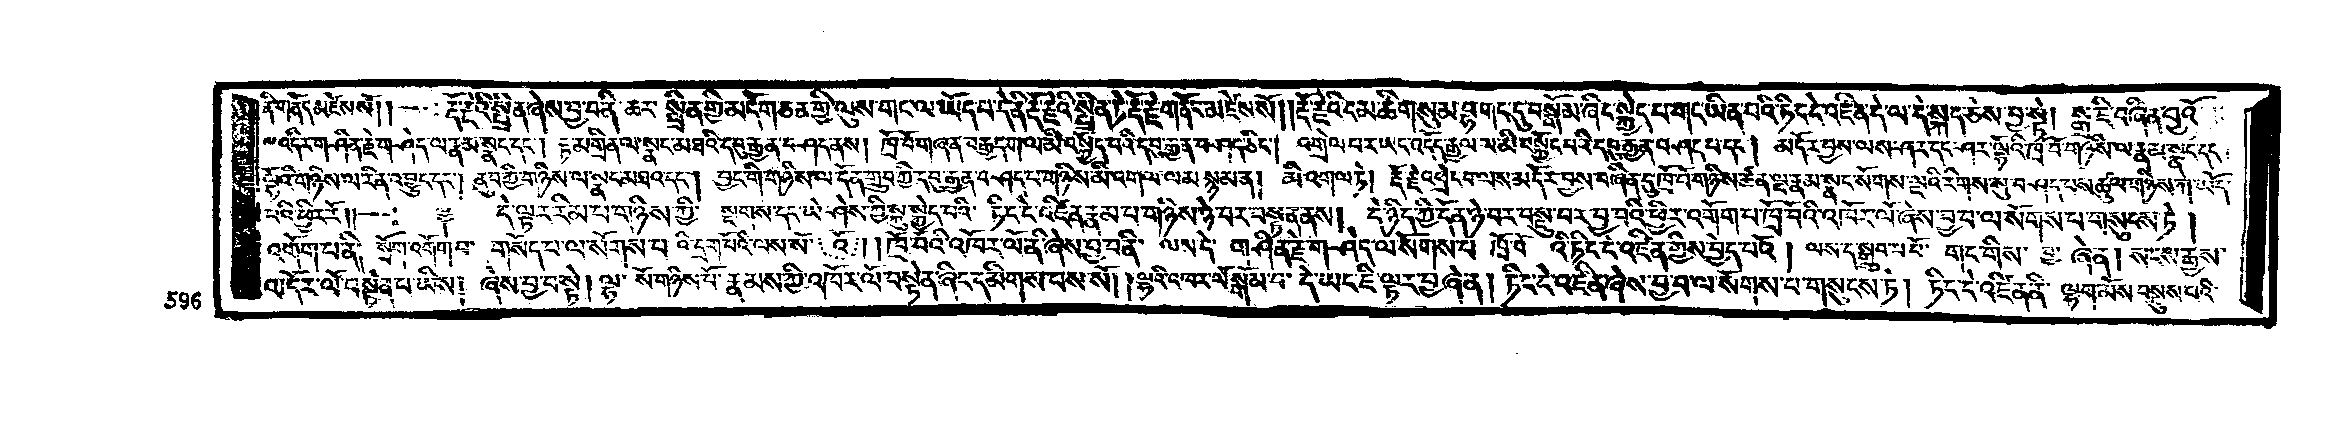ནི་གནོད་མཛེས་སོ། ། .H རྡོ་རྗེའི་སྤྲིན་ཞེས་བྱ་བ་ནི་ཆར་སྤྲིན་གྱི་མདོག་ཅན་གྱི་ལུས་གང་ལ་ཡོད་པ་དེ་ནི་རྡོ་རྗེའི་སྤྲིན་ཏེ་རྡོ་རྗེ་གནོད་མཛེས་སོ། །རྡོ་རྗེའི་དམ་ཚིག་སུམ་བྷ་གང་དུ་བསྒོམ་ཞིང་སྐྱེད་པ་གང་ཡིན་པའི་ཏིང་ངེ་འཛིན་དེ་ལ་དེ་སྐད་ཅེས་བྱ་སྟེ། སྒྲ་ཇི་བཞིན་པའོ།། H.
༧་འདིར་གཤིན་རྗེ་གཤེད་ལ་རྣམ་སྣང་དང་། རྟ་མགྲིན་ལ་སྣང་མཐའི་དབུ་རྒྱན་བཤད་ནས། ཁྲོ་བོ་གཞན་བརྒྱད་ཀ་ལ་མི་བསྐྱོད་པའི་དབུ་རྒྱན་བཤད་ཅིང་། འགྲོལ་པར་ཡང་འདོད་རྒྱལ་ལ་མི་བསྐྱེད་པའི་དབུ་རྒྱན་བཤད་པ་དང་། མདོར་བྱས་ལས་ཤར་དང་ཤར་ལྷོའི་ཁྲོ་བོ་གཉིས་ལ་རྣམ་སྣང་དང་།
ལྷོའི་གཉིས་ལ་རིན་འབྱུང་དང་། ནུབ་ཀྱི་གཉིས་ལ་སྣང་མཐའ་དང་། བྱང་གི་གཉིས་ལ་དོན་གྲུབ་ཀྱི་དབུ་རྒྱན་བཤད་པ་གཉིས་མི་འགལ་ལམ་སྙམ་ན། མི་འགལ་ཏེ། རྡོ་རྗེ་འཕྲེང་བ་ལས་མདོར་བྱས་བཞིན་དུ་ཁྲོ་བོ་གཉིས་ཚན་ལྔ་རྣམ་སྣང་སོགས་ལྔའི་རིགས་སུ་བཤད་པས་ཚུལ་གཉིས་ཀ་ཡོད་
པའི་ཕྱིར་རོ།། .H ༈ དེ་ལྟར་རིམ་པ་གཉིས་ཀྱི་སྔགས་དང་ཡེ་ཤེས་ཀྱི་སྐུ་སྐྱེད་པའི་ཏིང་ངེ་འཛིན་རྣམ་པ་གཉིས་ཉེ་བར་བསྟན་ནས། དེ་ཉིད་ཀྱི་དོན་ཉེ་བར་བསྡུ་བར་བྱ་བའི་ཕྱིར་འགོག་པ་ཁྲོ་བོའི་འཁོར་ལོ་ཞེས་བྱ་བ་ལ་སོགས་པ་གསུངས་ཏེ།
འགོག་པ་ནི་སྲོག་འགོག་པ་གསོད་པ་ལ་སོགས་པའི་དྲག་པོའི་ལས་སོ་འོ། །ཁྲོ་བོའི་འཁོར་ལོ་ནི་ཞེས་བྱ་བ་ནི་ལས་དེ་གཤིན་རྗེ་གཤེད་ལ་སོགས་པ་ཁྲོ་བོའི་ཏིང་ངེ་འཛིན་གྱིས་བྱེད་པའོ། ལས་ད་སྒྲུབ་པ་པོ་གང་གིས་བྱ་ཞེ་ན། སངས་རྒྱས་
འཁོར་ལོ་བསྟེན་པ་ཡིས། ཞེས་བྱ་བ་སྟེ། ལྷ་སོ་གཉིས་པོ་རྣམས་ཀྱི་འཁོར་ལོ་བསྟེན་ཞིང་དམིགས་པས་སོ། །ལྷའི་འཁོར་ལོ་སྒོམ་པ་དེ་ཡང་ཇི་ལྟར་བྱ་ཞེ་ན། ཏིང་ངེ་འཛིན་ཞེས་བྱ་བ་ལ་སོགས་པ་གསུངས་ཏེ། ཏིང་ངེ་འཛིན་ནི་ལྷག་མོས་བསྡུས་པའི་